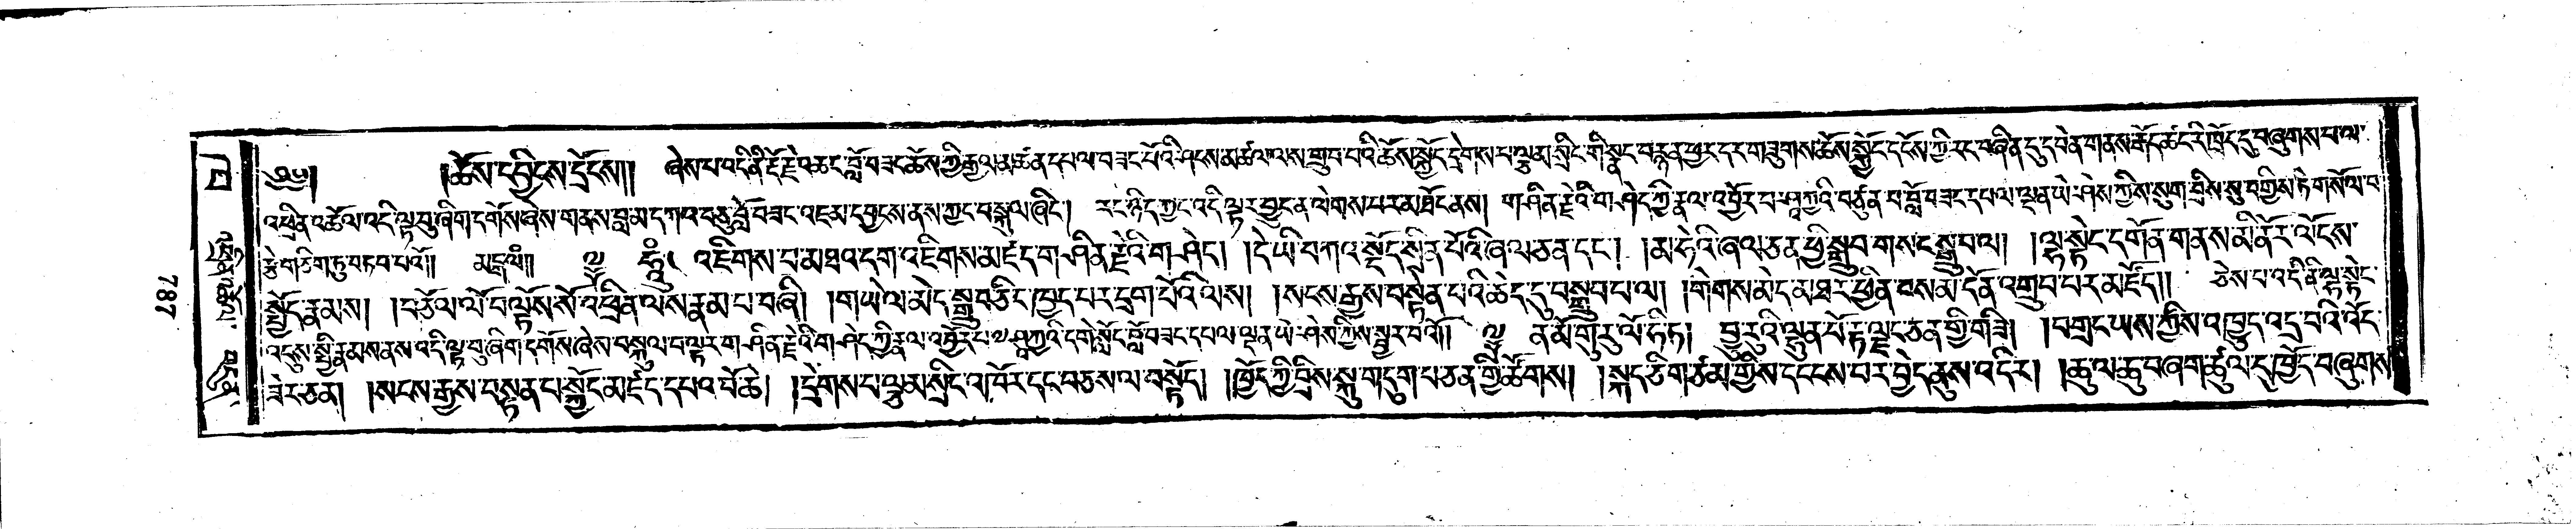༄༅། །ཆོས་དབྱིངས་དྲོངས།། ཞེས་པ་འདི་ནི་རྡོ་རྗེ་འཆང་བློ་བཟང་ཆོས་ཀྱི་རྒྱལ་མཚན་དཔལ་བཟང་པོའི་ཤངས་མཚལ་ལས་གྲུབ་པའི་ཆོས་སྐྱོད་དྲེགས་པ་ལྕམ་སྲིང་གི་སྣང་བརྙན་ཕྱར་དར་གཟུགས་ཆོས་སྐྱོང་དངོས་ཀྱི་རང་བཞིན་དུ་དབེན་གནས་རྒོད་ཚང་རི་ཁྲོད་དུ་བཞུགས་པ་ལ་
འཕྲིན་འཆོལ་འདི་ལྟ་བུ་ཞིག་དགོས་ཞེས་གནས་བླ་མ་དཀའ་བཅུ་བློ་བཟང་འཇམ་དབྱངས་ནས་ཀྱང་བསྐུལ་ཞིང་། རང་ཉིད་ཀྱང་འདི་ལྟར་བྱུང་ན་ལེགས་པར་མཐོང་ནས། གཤིན་རྗེའི་གཤེད་ཀྱི་རྣལ་འབྱོར་བ་ཤཱཀྱའི་བཙུན་པ་བློ་བཟང་དཔལ་ལྡན་ཡེ་ཤེས་ཀྱིས་སུག་བྲིས་སུ་བགྱིས་ཏེ་གསོལ་བ་
རྩེ་གཅིག་ཏུ་བཏབ་པའོ།། མངྒ་ལཾ།། ༈ ཧཱུཾ༑ འཇིགས་པ་མཐའ་དག་འཇིགས་མཛད་གཤིན་རྗེའི་གཤེད། །དེ་ཡི་བཀའ་སྡོད་སྲིན་པོའི་ཞལ་ཅན་དང་། །མ་ཧེའི་ཞལ་ཅན་ཕྱི་སྒྲུབ་གསང་སྒྲུབ་ལ། །ལྷ་སྟེང་དགོན་གནས་མི་ནོར་ལོངས་
སྤྱོད་རྣམས། །བཅོལ་ལོ་བལྟོས་སོ་འཕྲིན་ལས་རྣམ་པ་བཞི། །གཡེལ་མེད་སྒྲུབ་ཅིང་ཁྱད་པར་དྲག་པོའི་ལས། །སངས་རྒྱས་བསྟེན་པའི་ཆེད་དུ་བསྒྲུབ་པ་ལ། །གེགས་མེད་མཐར་ཕྱིན་བསམ་དོན་འགྲུབ་པར་མཛོད།། ཅེས་པ་འདི་ནི་ལྷ་སྟེང་
འདུས་སྤྱི་རྣམས་ནས་འདི་ལྟ་བུ་ཞིག་དགོས་ཞེས་བསྐུལ་བ་ལྟར་གཤིན་རྗེའི་གཤེད་ཀྱི་རྣལ་འབྱོར་པ་༧་ཤཱཀྱའི་དགེ་སློང་བློ་བཟང་དཔལ་ལྡན་ཡེ་ཤེས་ཀྱིས་སྦྱར་བའོ།། ༈ ན་མོ་གུ་རུ་ལོ་ཧི་ཏ། བྱུ་རུའི་ལྷུན་པོ་རྟ་ལྗང་ཅན་གྱི་གཟི། །བགྲང་ཡས་ཀྱིས་འཁྱུད་འདྲ་བའི་འོད་
ཟེར་ཅན། །སངས་རྒྱས་བསྟན་པ་སྐྱོང་མཛད་དཔའ་བོ་ཆེ། །དྲེགས་པ་ལྕམ་སྲིང་འཁོར་དང་བཅས་ལ་བསྟོད། །ཁྱོད་ཀྱི་བྲིས་སྐུ་གདུག་པ་ཅན་གྱི་ཚོགས། །སྐད་ཅིག་ཙམ་གྱིས་དངངས་བར་བྱེད་ནུས་འདིར། །ཆུ་ལ་ཆུ་བཞག་ཚུལ་དུ་ཁྱོད་བཞུགས་